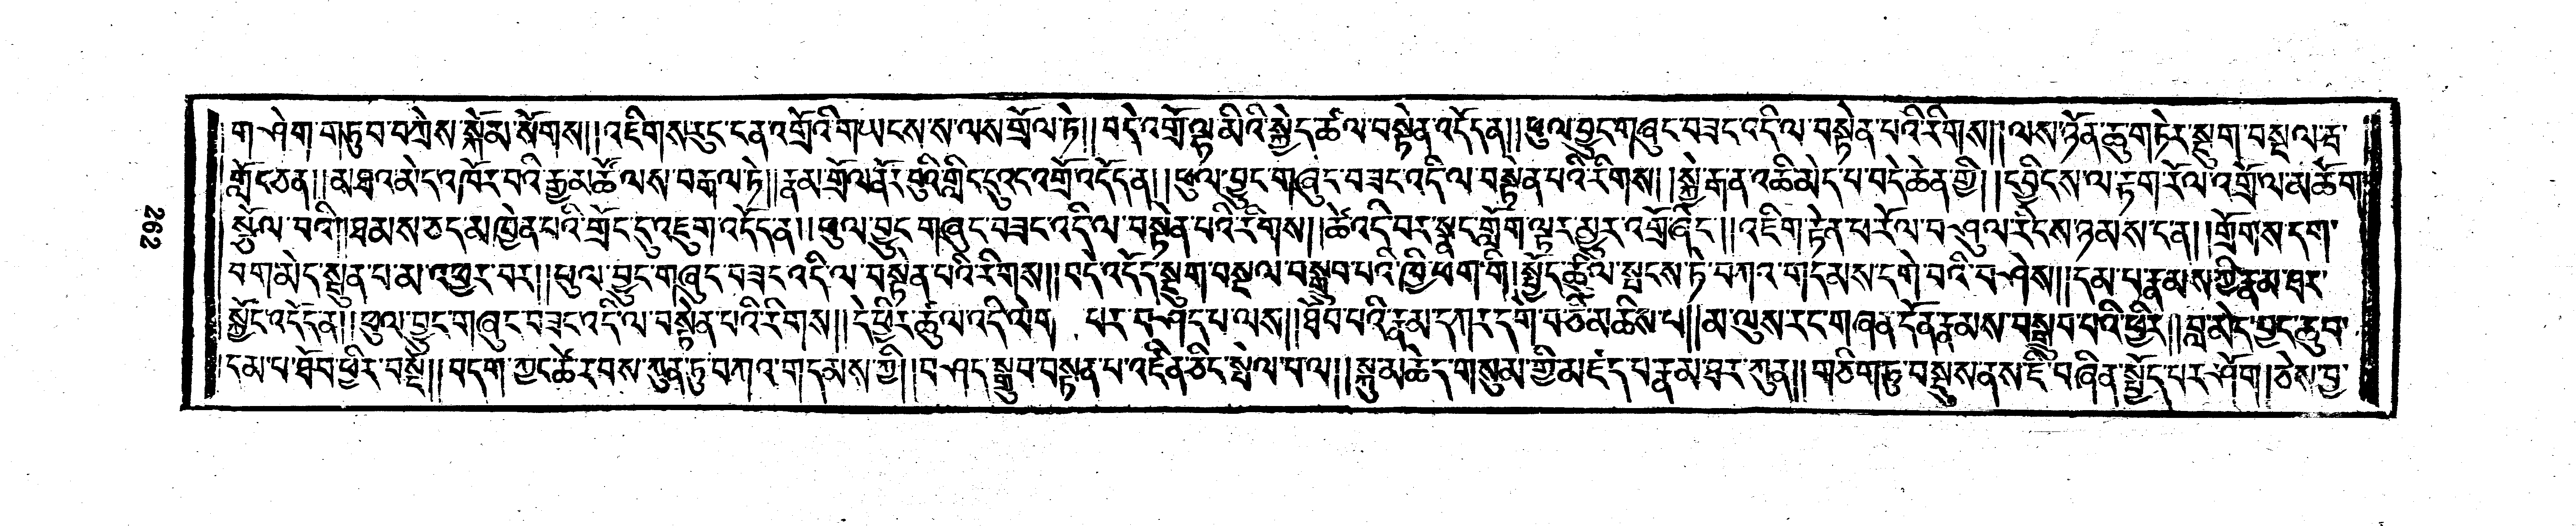གཤེག་གཏུབ་བཀྲེས་སྐོམ་སོགས། །འཇིགས་རུང་ངན་འགྲོའི་གཡངས་ས་ལས་གྲོལ་ཏེ། །བདེ་འགྲོ་ལྷ་མིའི་སྐྱེད་ཚལ་བསྟེན་འདོད་ན། །ཕུལ་བྱུང་གཞུང་བཟང་འདི་ལ་བསྟེན་པའི་རིགས། །ལས་ཉོན་ཆུ་གཏེར་སྡུག་བསྔལ་རྦ་
གློང་ཅན། །མཐའ་མེད་འཁོར་བའི་རྒྱ་མཚོ་ལས་བརྒལ་ཏེ། །རྣམ་གྲོལ་ནོར་བུའི་གླིང་དུའང་འགྲོ་འདོད་ན། །ཕུལ་བྱུང་གཞུང་བཟང་འདི་ལ་བསྟེན་པའི་རིགས། །སྐྱེ་རྒ་ན་འཆི་མེད་པ་བདེ་ཆེན་གྱི། །དབྱིངས་ལ་རྟག་རོལ་འགྲོ་ལ་མཆོག་
སྩོལ་བའི། །ཐམས་ཅད་མཁྱེན་པའི་གྲོང་དུ་འཇུག་འདོད་ན། །ཕུལ་བྱུང་གཞུང་བཟང་འདི་ལ་བསྟེན་པའི་རིགས། །ཚེ་འདི་བར་སྣང་གློག་ལྟར་མྱུར་འགྲོ་ཞིང་། །འཇིག་རྟེན་ཕ་རོལ་བཤུལ་རིངས་ཉམས་ང་ན། །གྲོགས་དག་
བག་མེད་སྦུན་པ་མ་འཕྱར་བར། །ཕུལ་བྱུང་གཞུང་བཟང་འདི་ལ་བསྟེན་པའི་རིགས། །བདེ་འདོད་སྡུག་བསྔལ་བསྒྲུབ་པའི་ཁྱི་ཕག་གི །སྤྱོད་ཚུལ་སྤངས་ཏེ་བཀའ་གདམས་དགེ་བའི་བཤེས། །དམ་པ་རྣམས་ཀྱི་རྣམ་ཐར་
སྐྱོང་འདོད་ན། །ཕུལ་བྱུང་གཞུང་བཟང་འདི་ལ་བསྟེན་པའི་རིགས། །དེ་ཕྱིར་ཚུལ་འདི་ལེགས་པར་བཤད་པ་ལས། །ཐོབ་པའི་རྣམ་དཀར་དགེ་བ་ཅི་མཆིས་པ། །མ་ལུས་རང་གཞན་དོན་རྣམས་བསྒྲུབ་པའི་ཕྱིར། །བླ་མེད་བྱང་ཆུབ་
དམ་པ་ཐོབ་ཕྱིར་བསྔོ། །བདག་ཀྱང་ཚེ་རབས་ཀུན་ཏུ་བཀའ་གདམས་ཀྱི། །བཤད་སྒྲུབ་བསྟན་པ་འཛིན་ཅིང་སྤེལ་བ་ལ། །སྐུ་མཆེད་གསུམ་གྱི་མཛད་པ་རྣམ་ཐར་ཀུན། །གཅིག་ཏུ་བསྡུས་ནས་ཇི་བཞིན་སྤྱོད་པར་ཤོག །ཅེས་བྱ་